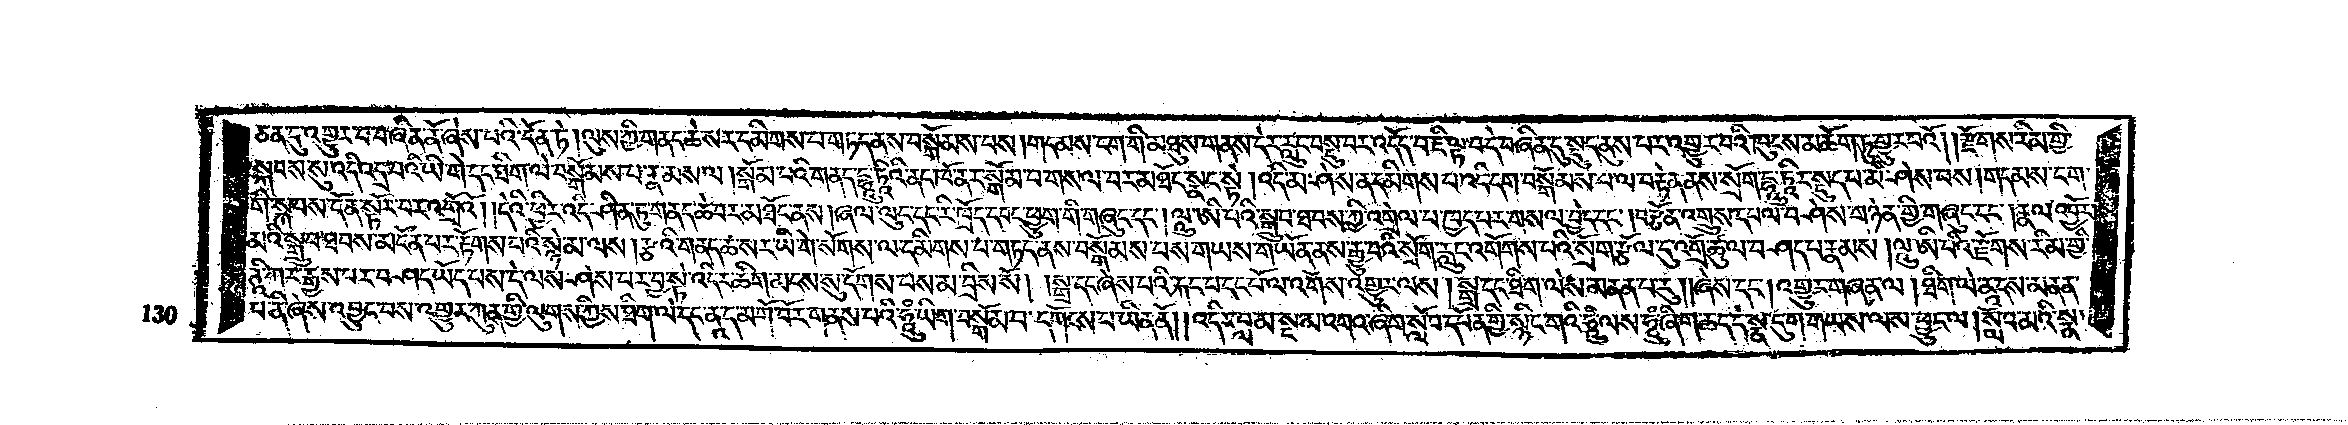ཅན་དུ་འགྱུར་བ་བཞིན་ནོ་ཞེས་པའི་དོན་ཏེ། ལུས་ཀྱི་གནད་ཆེ་སར་དམིགས་པ་གཏད་ནས་བསྒོམས་པས། གདམས་ངག་གི་མཐུས་གནས་དེར་རླུང་བསྡུ་བར་འདོད་པ་ཇི་ལྟ་བ་དེ་བཞིན་དུ་སྡུད་ནུས་པར་འགྱུར་བའི་ཁུངས་མཆོག་ཏུ་གྱུར་པའོ། །རྫོགས་རིམ་གྱི་
སྐབས་སུ་འདི་འདྲ་བའི་ཡི་གེ་དང་ཐིག་ལེ་བསྒོམས་པ་རྣམས་ལ། སྒོམ་པའི་གནད་དྷཱུ་ཏཱིའི་ནང་ཁོ་ནར་སྒོམ་པ་གསལ་བར་མཐོང་སྣང་སྟེ། འདི་མ་ཤེས་ན་དམིགས་པ་འདི་དག་བསྒོམས་པ་ལ་བརྟེན་ནས་སྲོག་དྷཱུ་ཏཱིར་སྡུད་པ་མི་ཤེས་པས། གདམས་ངག་
གི་སྐབས་དོན་སྟོར་བར་འགྲོའོ། །དེའི་ཕྱིར་འདི་ཤིན་ཏུ་གནད་ཆེ་བར་མཐོང་ནས། ཞལ་ལུང་དང་རི་ཁྲོད་དབང་ཕྱུག་གི་གཞུང་དང་། ལཱུ་ཨི་པའི་སྒྲུབ་ཐབས་ཀྱི་འགྲེལ་པ་ཁྱད་པར་གསལ་བྱེད་དང་། བརྩོན་འགྲུས་དཔལ་བཤེས་གཉེན་གྱི་གཞུང་དང་། རྣལ་འབྱོར་
མའི་སྒྲུབ་ཐབས་མངོན་པར་རྟོགས་པའི་སྙེ་མ་ལས། རྩའི་གནད་ཆེ་སར་ཡི་གེ་སོགས་ལ་དམིགས་པ་གཏད་ནས་བསྒོམས་པས་གཡས་གཡོན་ནས་རྒྱུ་བའི་སྲོག་རླུང་འགོགས་པའི་སྲོག་རྩོལ་དུ་འགྲོ་ཚུལ་བཤད་པ་རྣམས། ལཱུ་ཨི་པའི་རྫོགས་རིམ་གྱི་
ཊཱི་ཀར་རྒྱས་པར་བཤད་ཡོད་པས་དེ་ལས་ཤེས་པར་བྱ་སྟེ་འདིར་ཚིག་མངས་སུ་དོགས་པས་མ་བྲིས་སོ། །སྒྲ་དང་ཞེས་པའི་རྐང་པ་དང་པོ་ལ་འགོས་འགྱུར་ལས། སྒྲ་དང་ཐིག་ལེས་མནན་པ་རུ། །ཞེས་དང་། འགྱུར་གཞན་ལ། ཐིག་ལེ་ནཱ་དས་མནན་
པ་ནི་ཞེས་འབྱུང་བས་འགྱུར་ཀུན་གྱི་ལུགས་ཀྱིས་ཐིག་ལེ་དང་ནཱ་ད་མགོ་བོར་གནས་པའི་ཧཱུཾ་ཡིག་བསྒོམ་པ་དགོངས་པ་ཡིན་ནོ། །འདིར་བླ་མ་སྔ་མ་འགའ་ཞིག་སློབ་དཔོན་གྱི་སྙིང་གའི་ཧཱུཾ་ལས་ཧཱུཾ་ཞིག་ཆད་དེ་སྣ་བུག་གཡས་ལས་ཕྱུང་ལ། སློབ་མའི་སྣ་